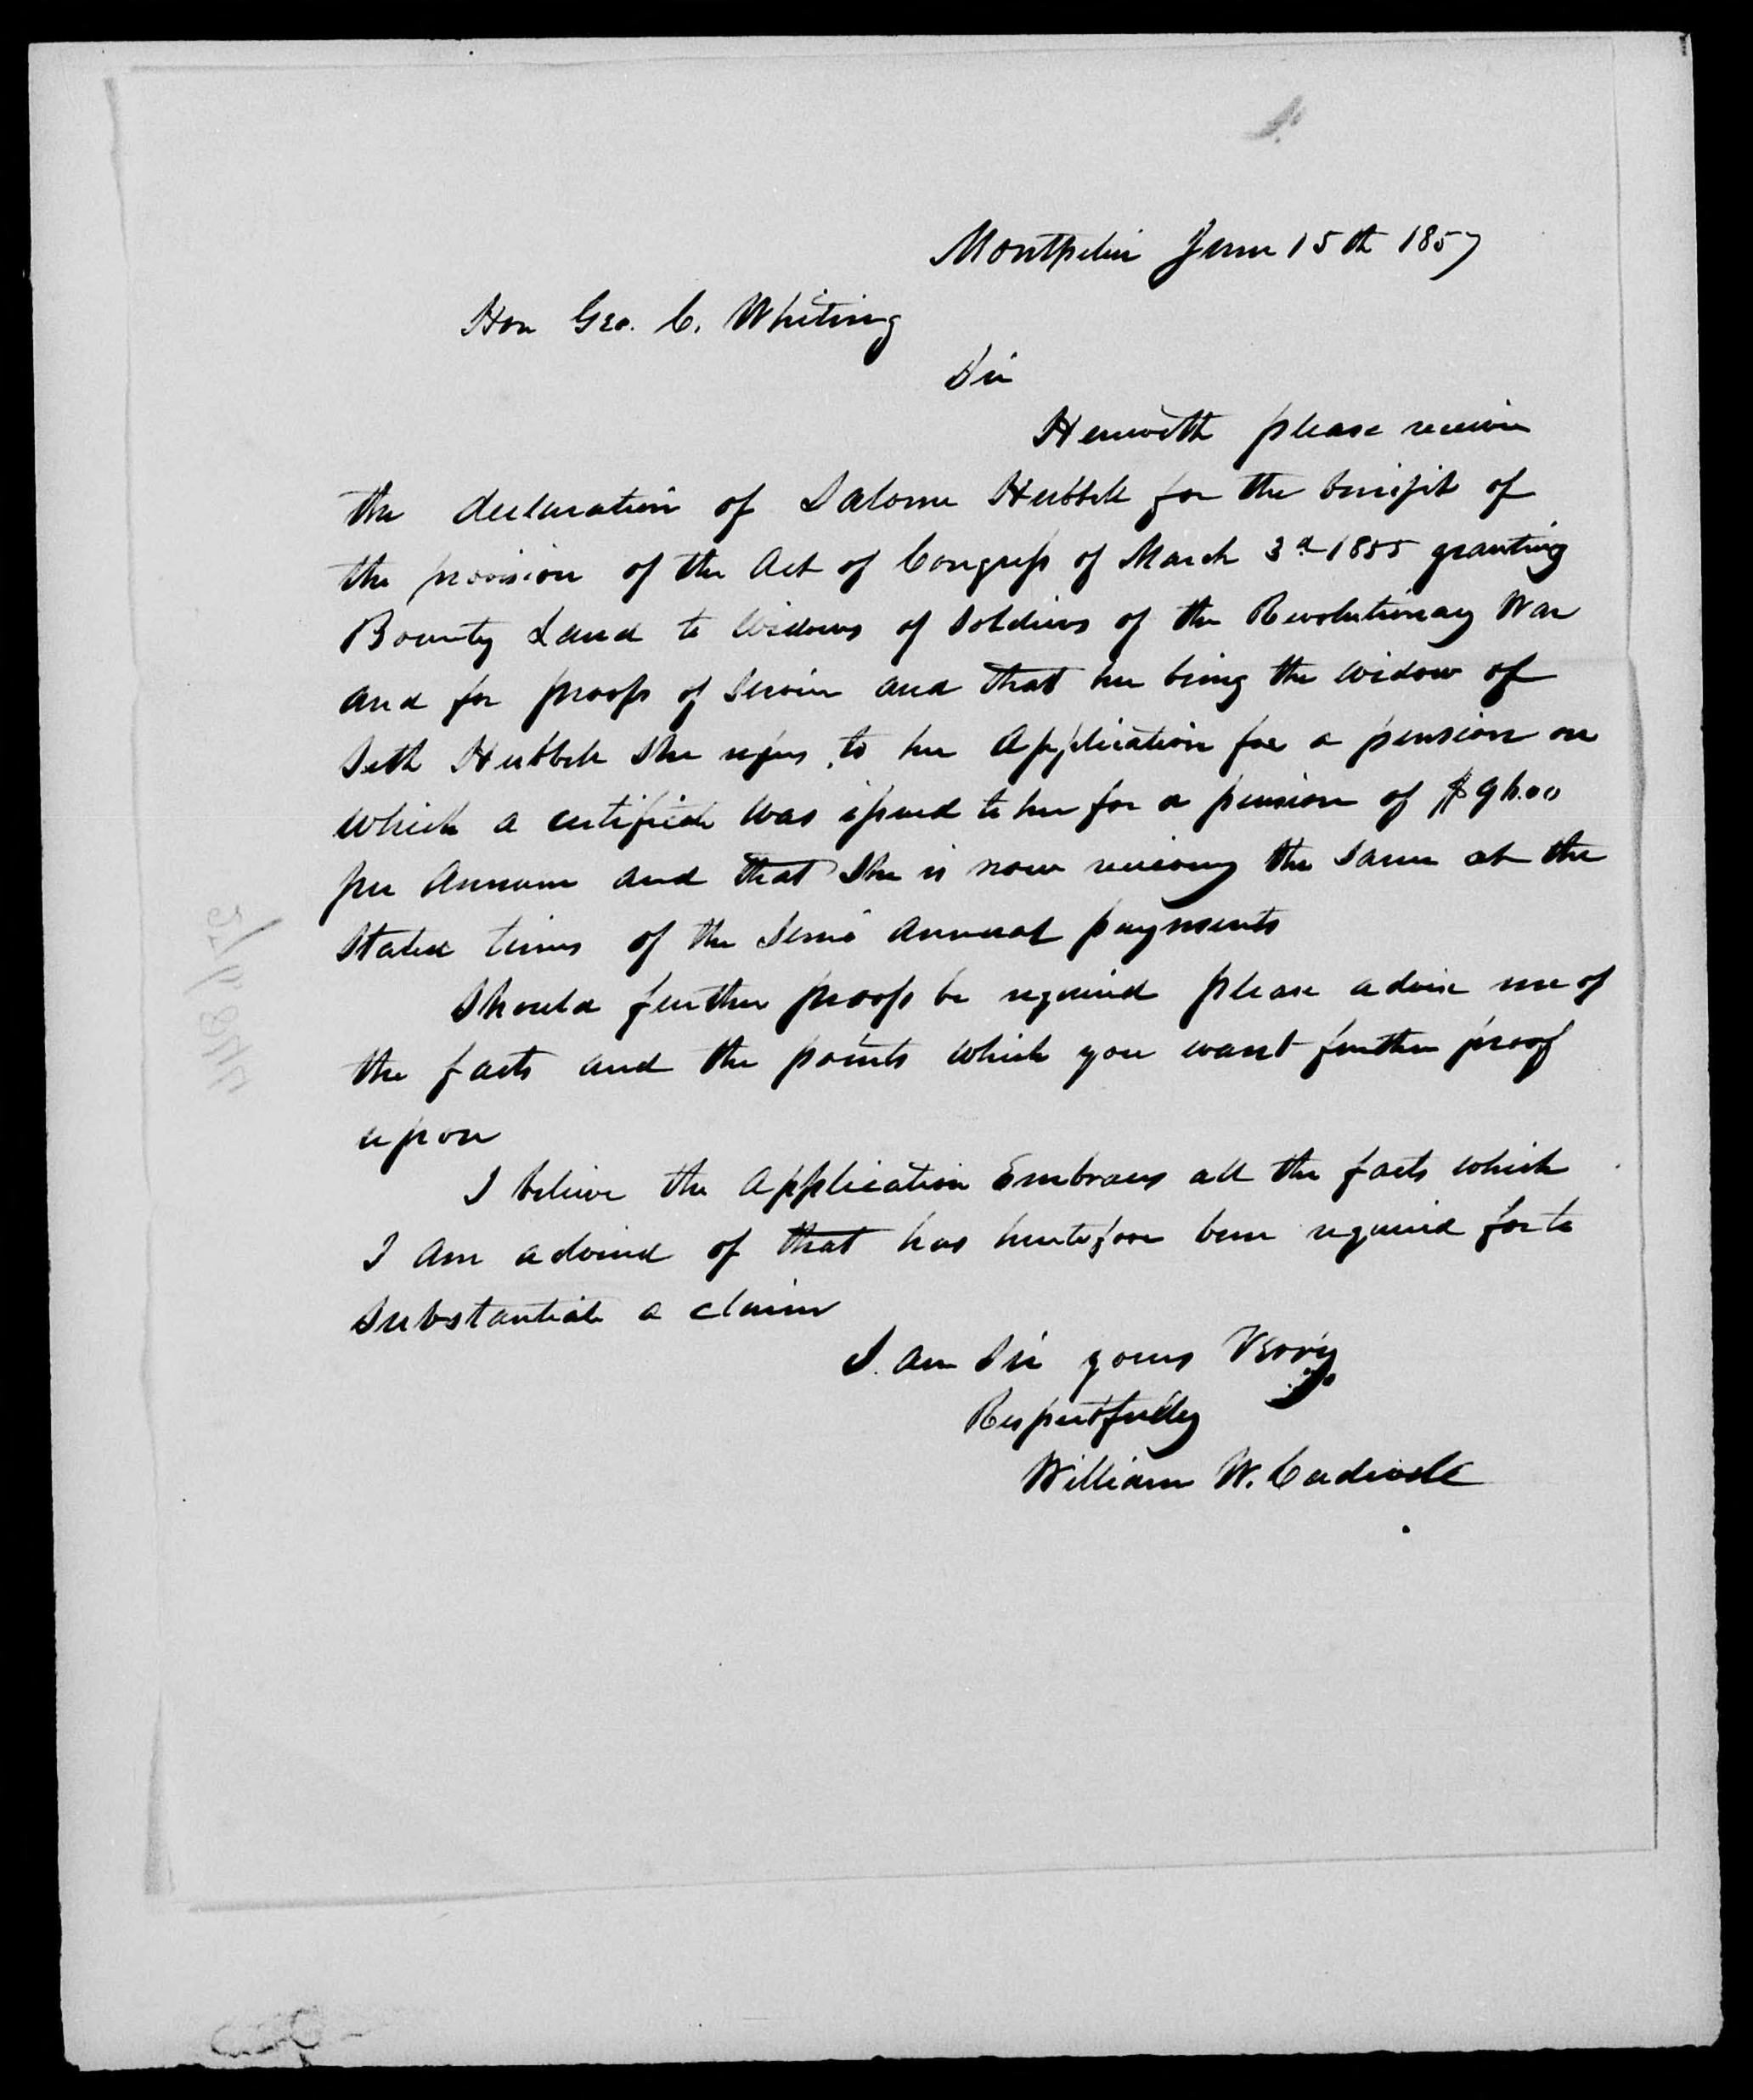Montpelier June 15th 1857
Hon Geo. C. Whiting
Sir
Herewith please receive the declaration of Salome Hubbell for the benefit of the provision of the Act of Congress of March 3 1855 granting Bounty Land to widows of soldiers of the Revolutionary War and for proof of service and that her being the widow of Seth Hubbell she signs to her application for a pension or which a certificate was {illegible} to her for a pension of $91.00 per annum and that she is now receiving the same as the Stadic terms of the  {illegible} annual payments. should further proof be required please advise me of the facts and the points which you want further proof upon.
I believe the Application embraces all the facts which I am advised of that has heretofore been required for to substantiate a claim.
I am Sir yours very Respectfully
William W. Cadwell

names: Salome Hubbell, Geo C Whiting, Seth Hubbell, William W Cadwell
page: 73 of 114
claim: widow's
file: W. 2115, Seth Hubbell, Conn.